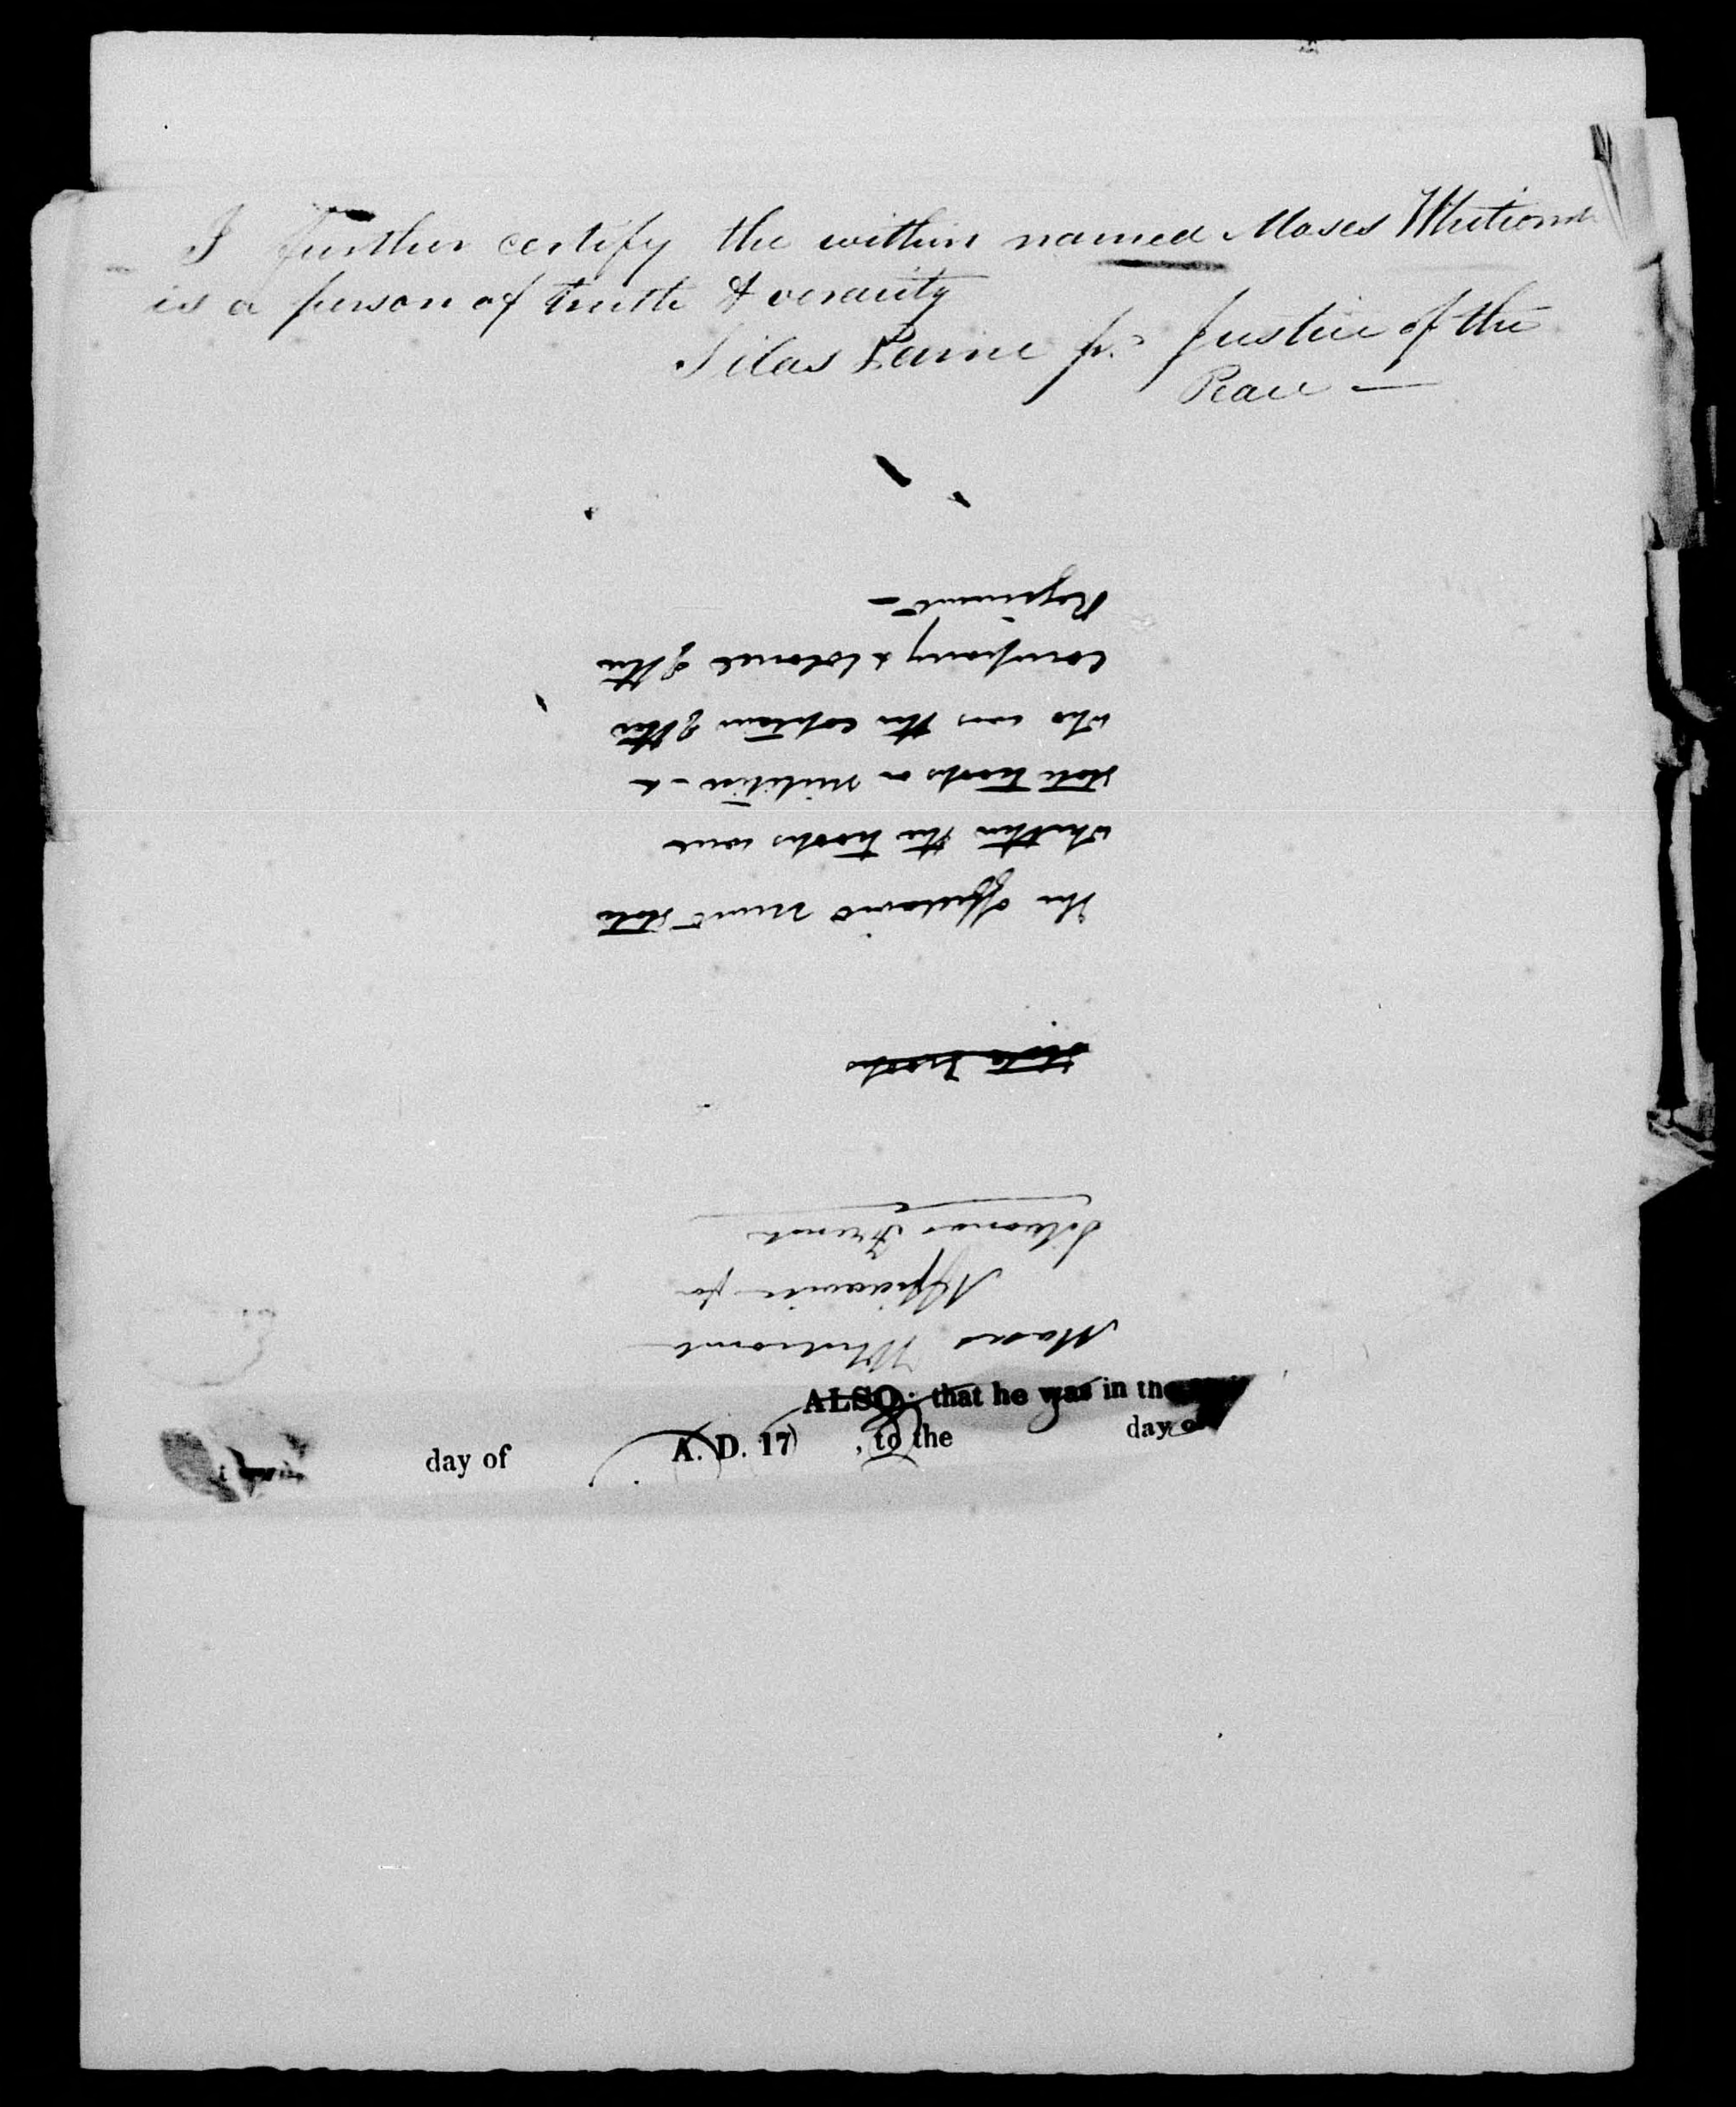I further certify the within named Moses Whitcomb
is a person
of truth & veracity
Silas Paine Jr. Justice of the
Peace --

[words struck out]

[upside down text]
The affidavit must state
whether the troops were
state troops or militia - &
who was the captain of the
company & colonel of the
Regiment -

[upside down text]
Moses Whitcomb
Affidavit of
Silvanus French

[preprinted but not filled in] 
ALSO, that he was in th[remainder obscured]
day of   A.D. 17   , to the     day of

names: Silvanus French, Silas Paine, Moses Whitcomb, Moses Whitcomb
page: 9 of 38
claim: widow's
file: W. 24,235, Silvanus French, Mass.